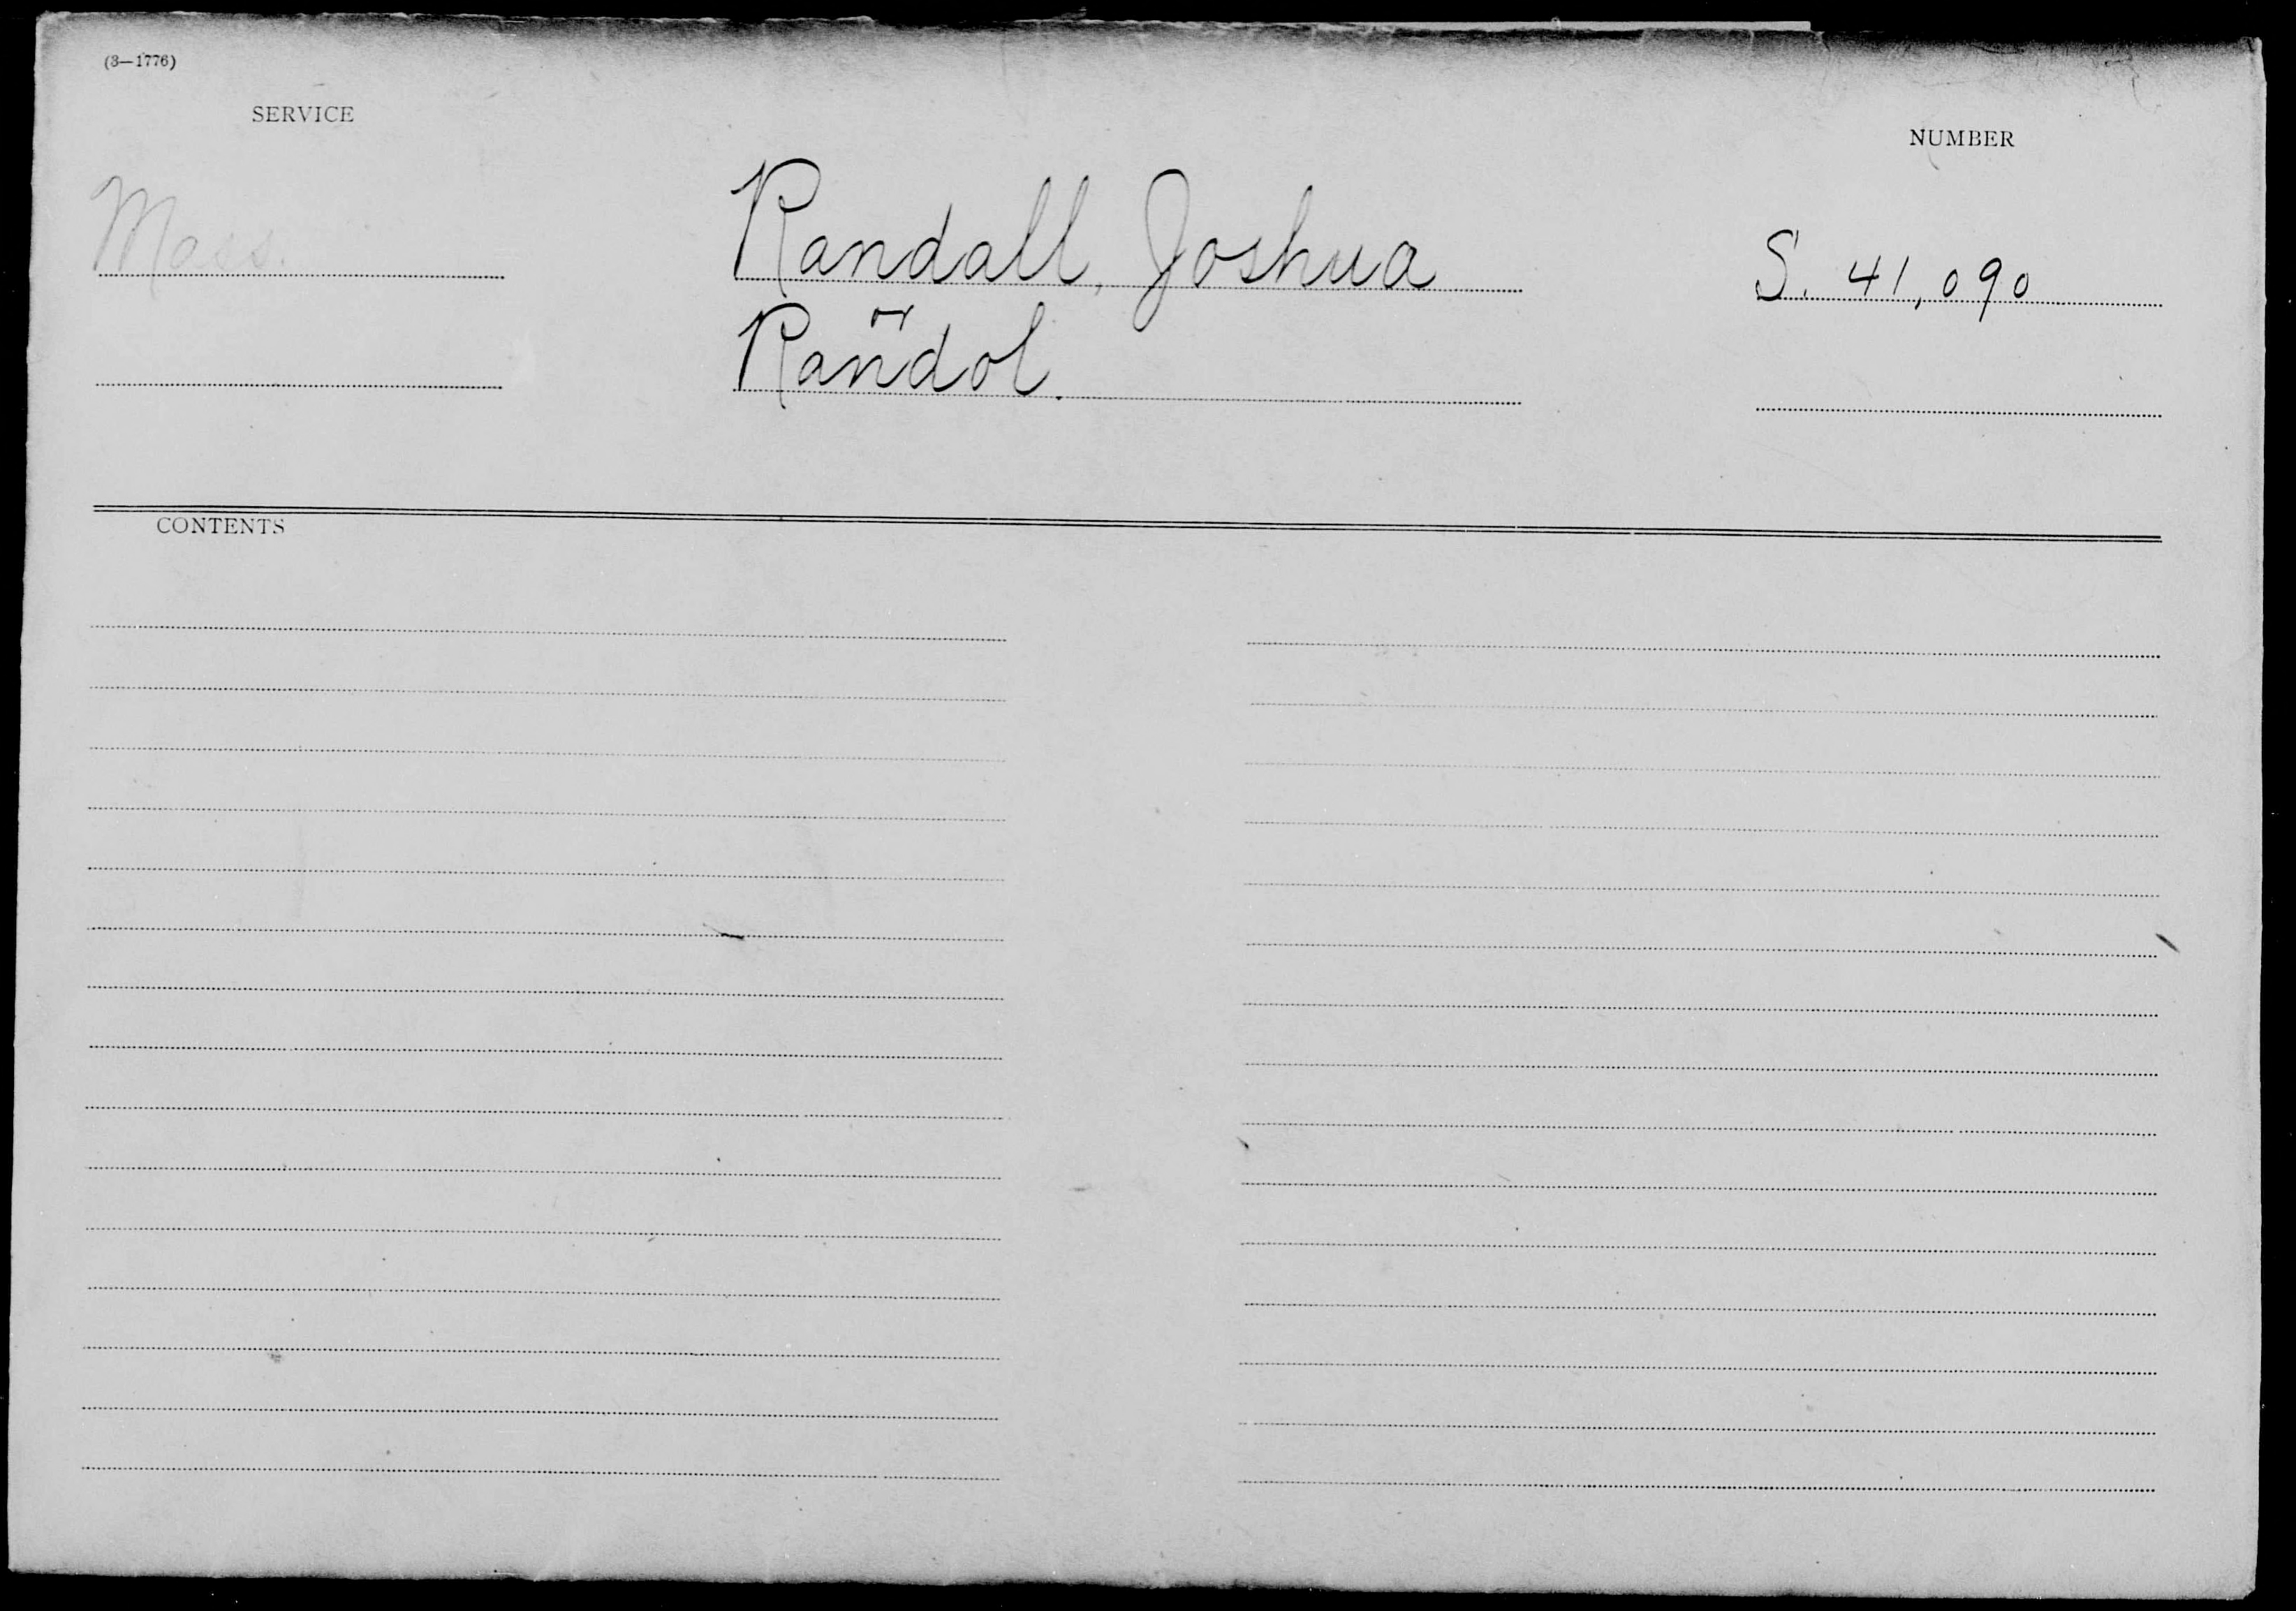(3 - 1776)
SERVICE
Mass

Randall, Joshua
or 
Randol
-
NUMBER
S. 41.090

CONTENTS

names: Joshua Randol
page: 1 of 20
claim: survivor's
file: S. 41,090, for Joshua Randall, Massachusetts